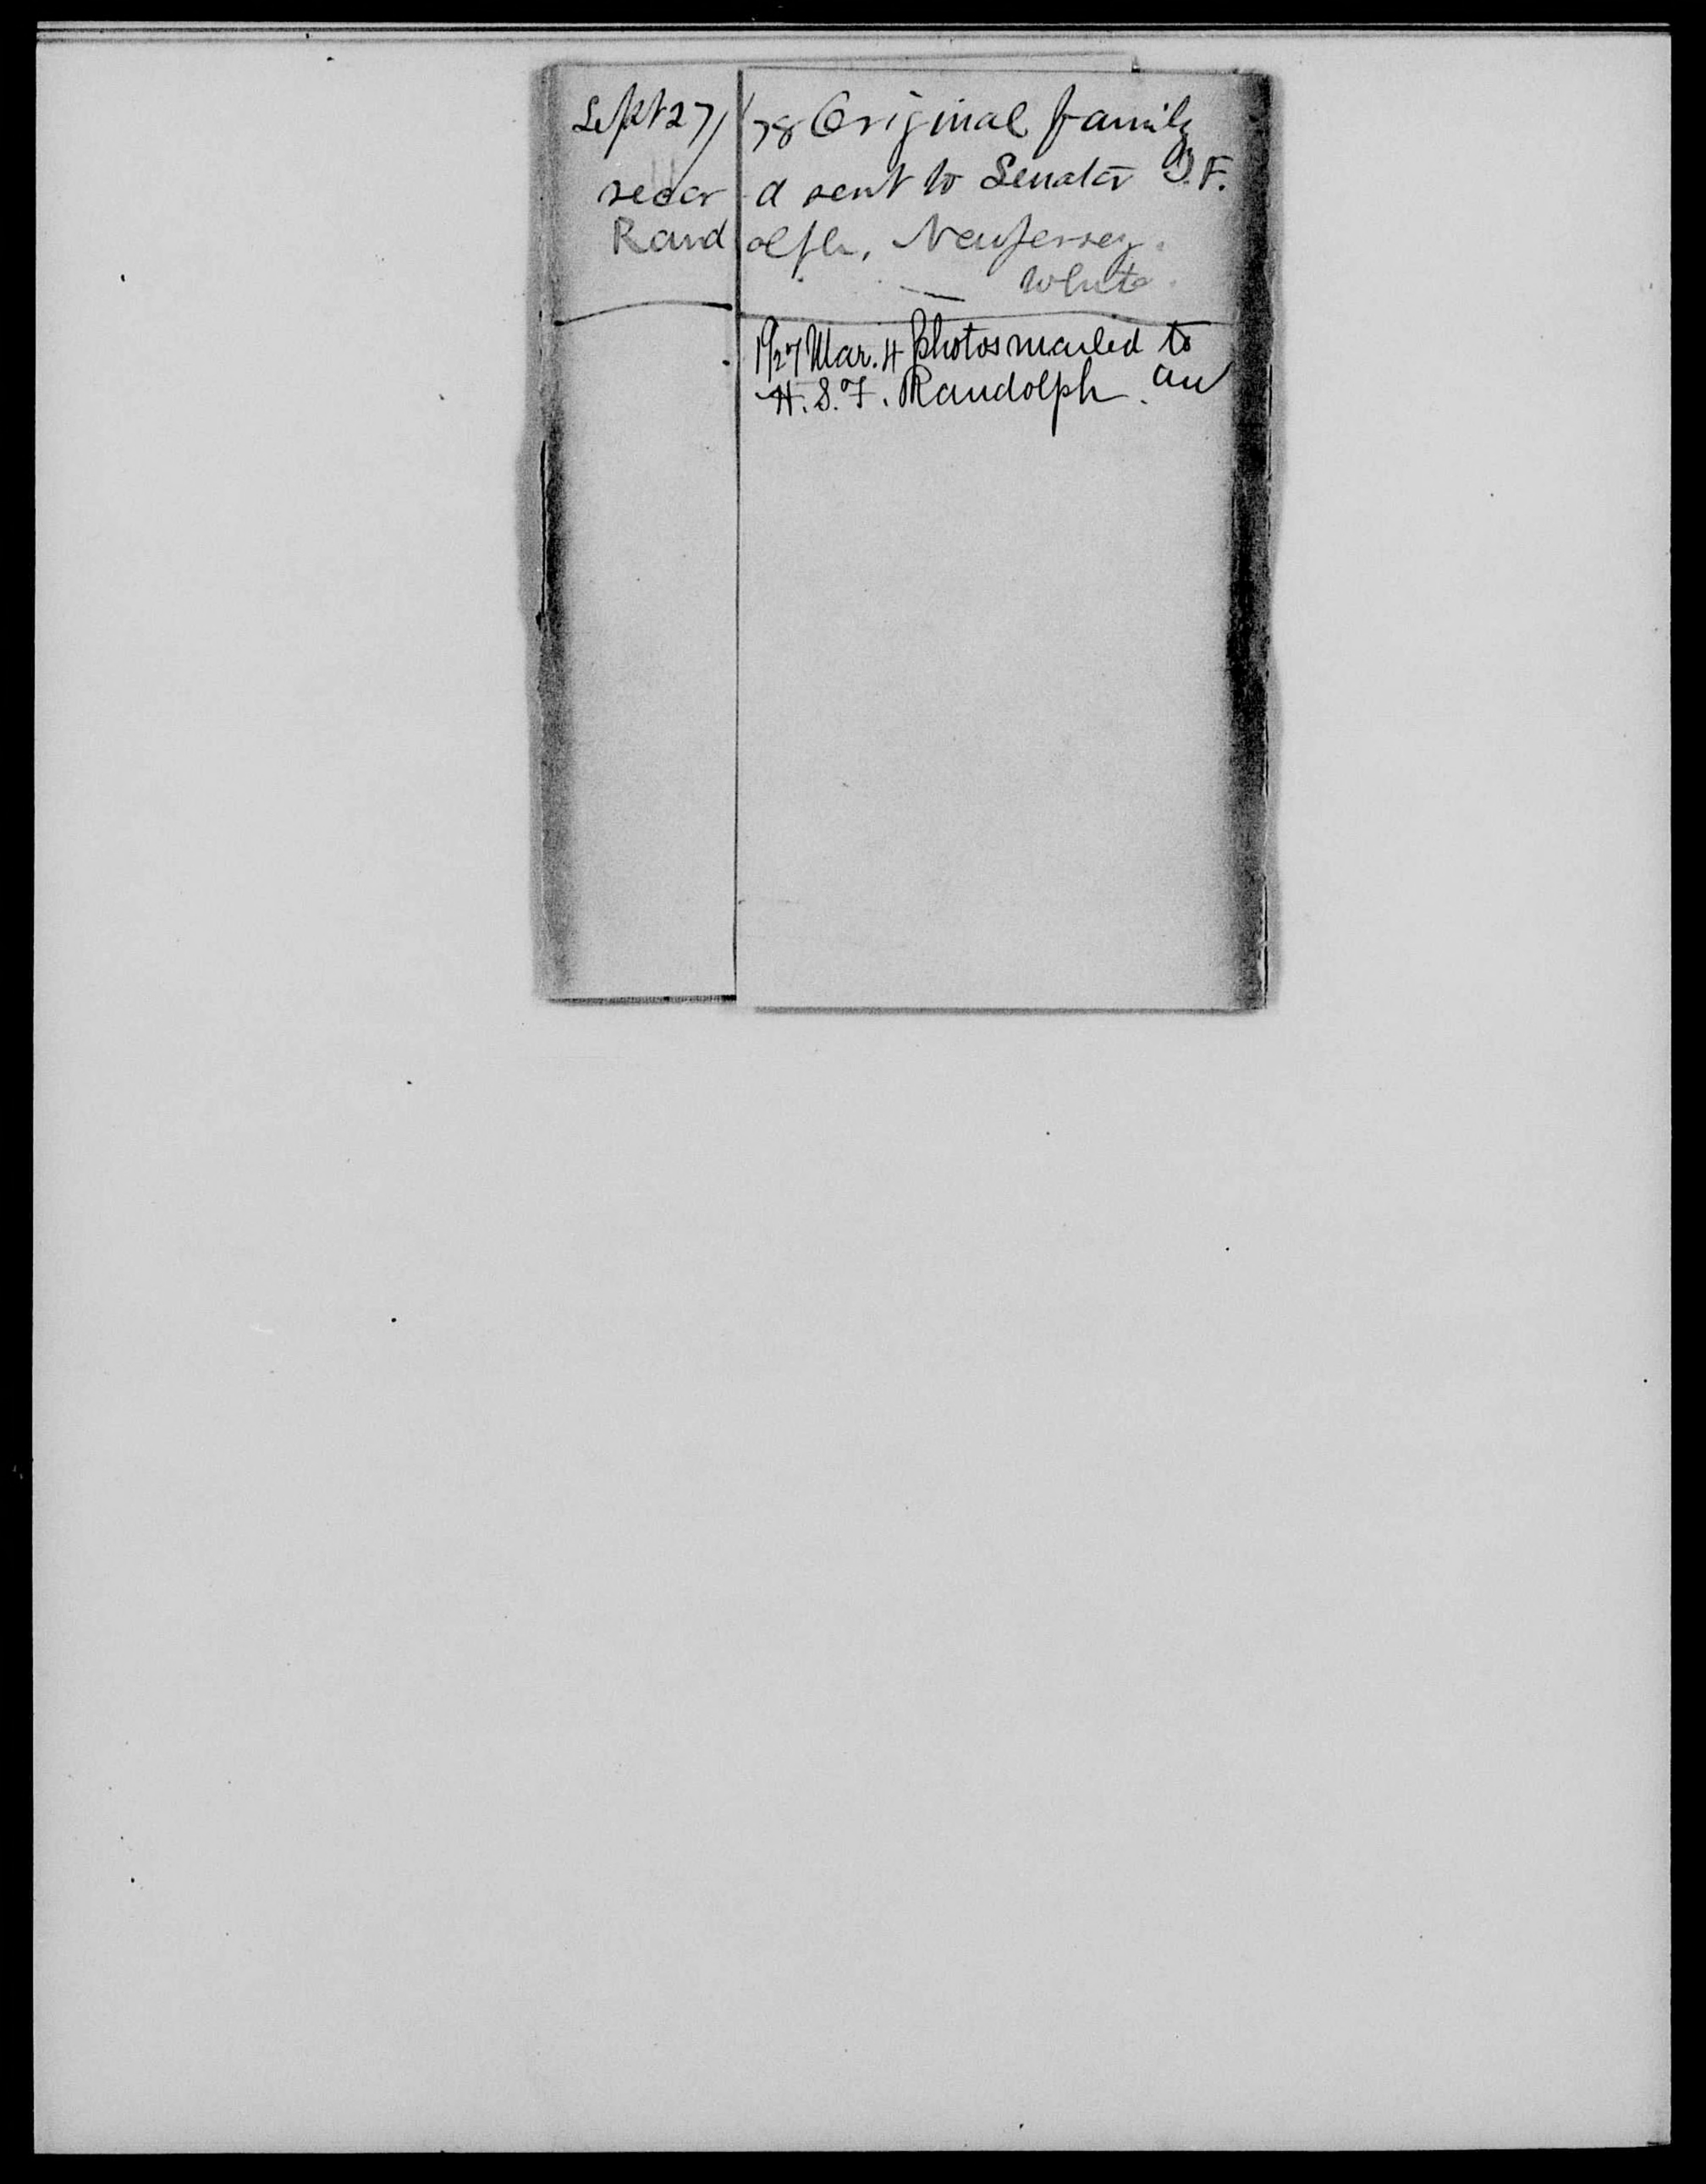Sept 27/78 Original family seaer a sent to Senator J.F Randolph, New Jersey White
1927 War. H Photos mailed to H.S. F. Randolph aw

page: 15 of 33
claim: widow's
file: W. 5,665, for Stelle F Randolph, New Jersey